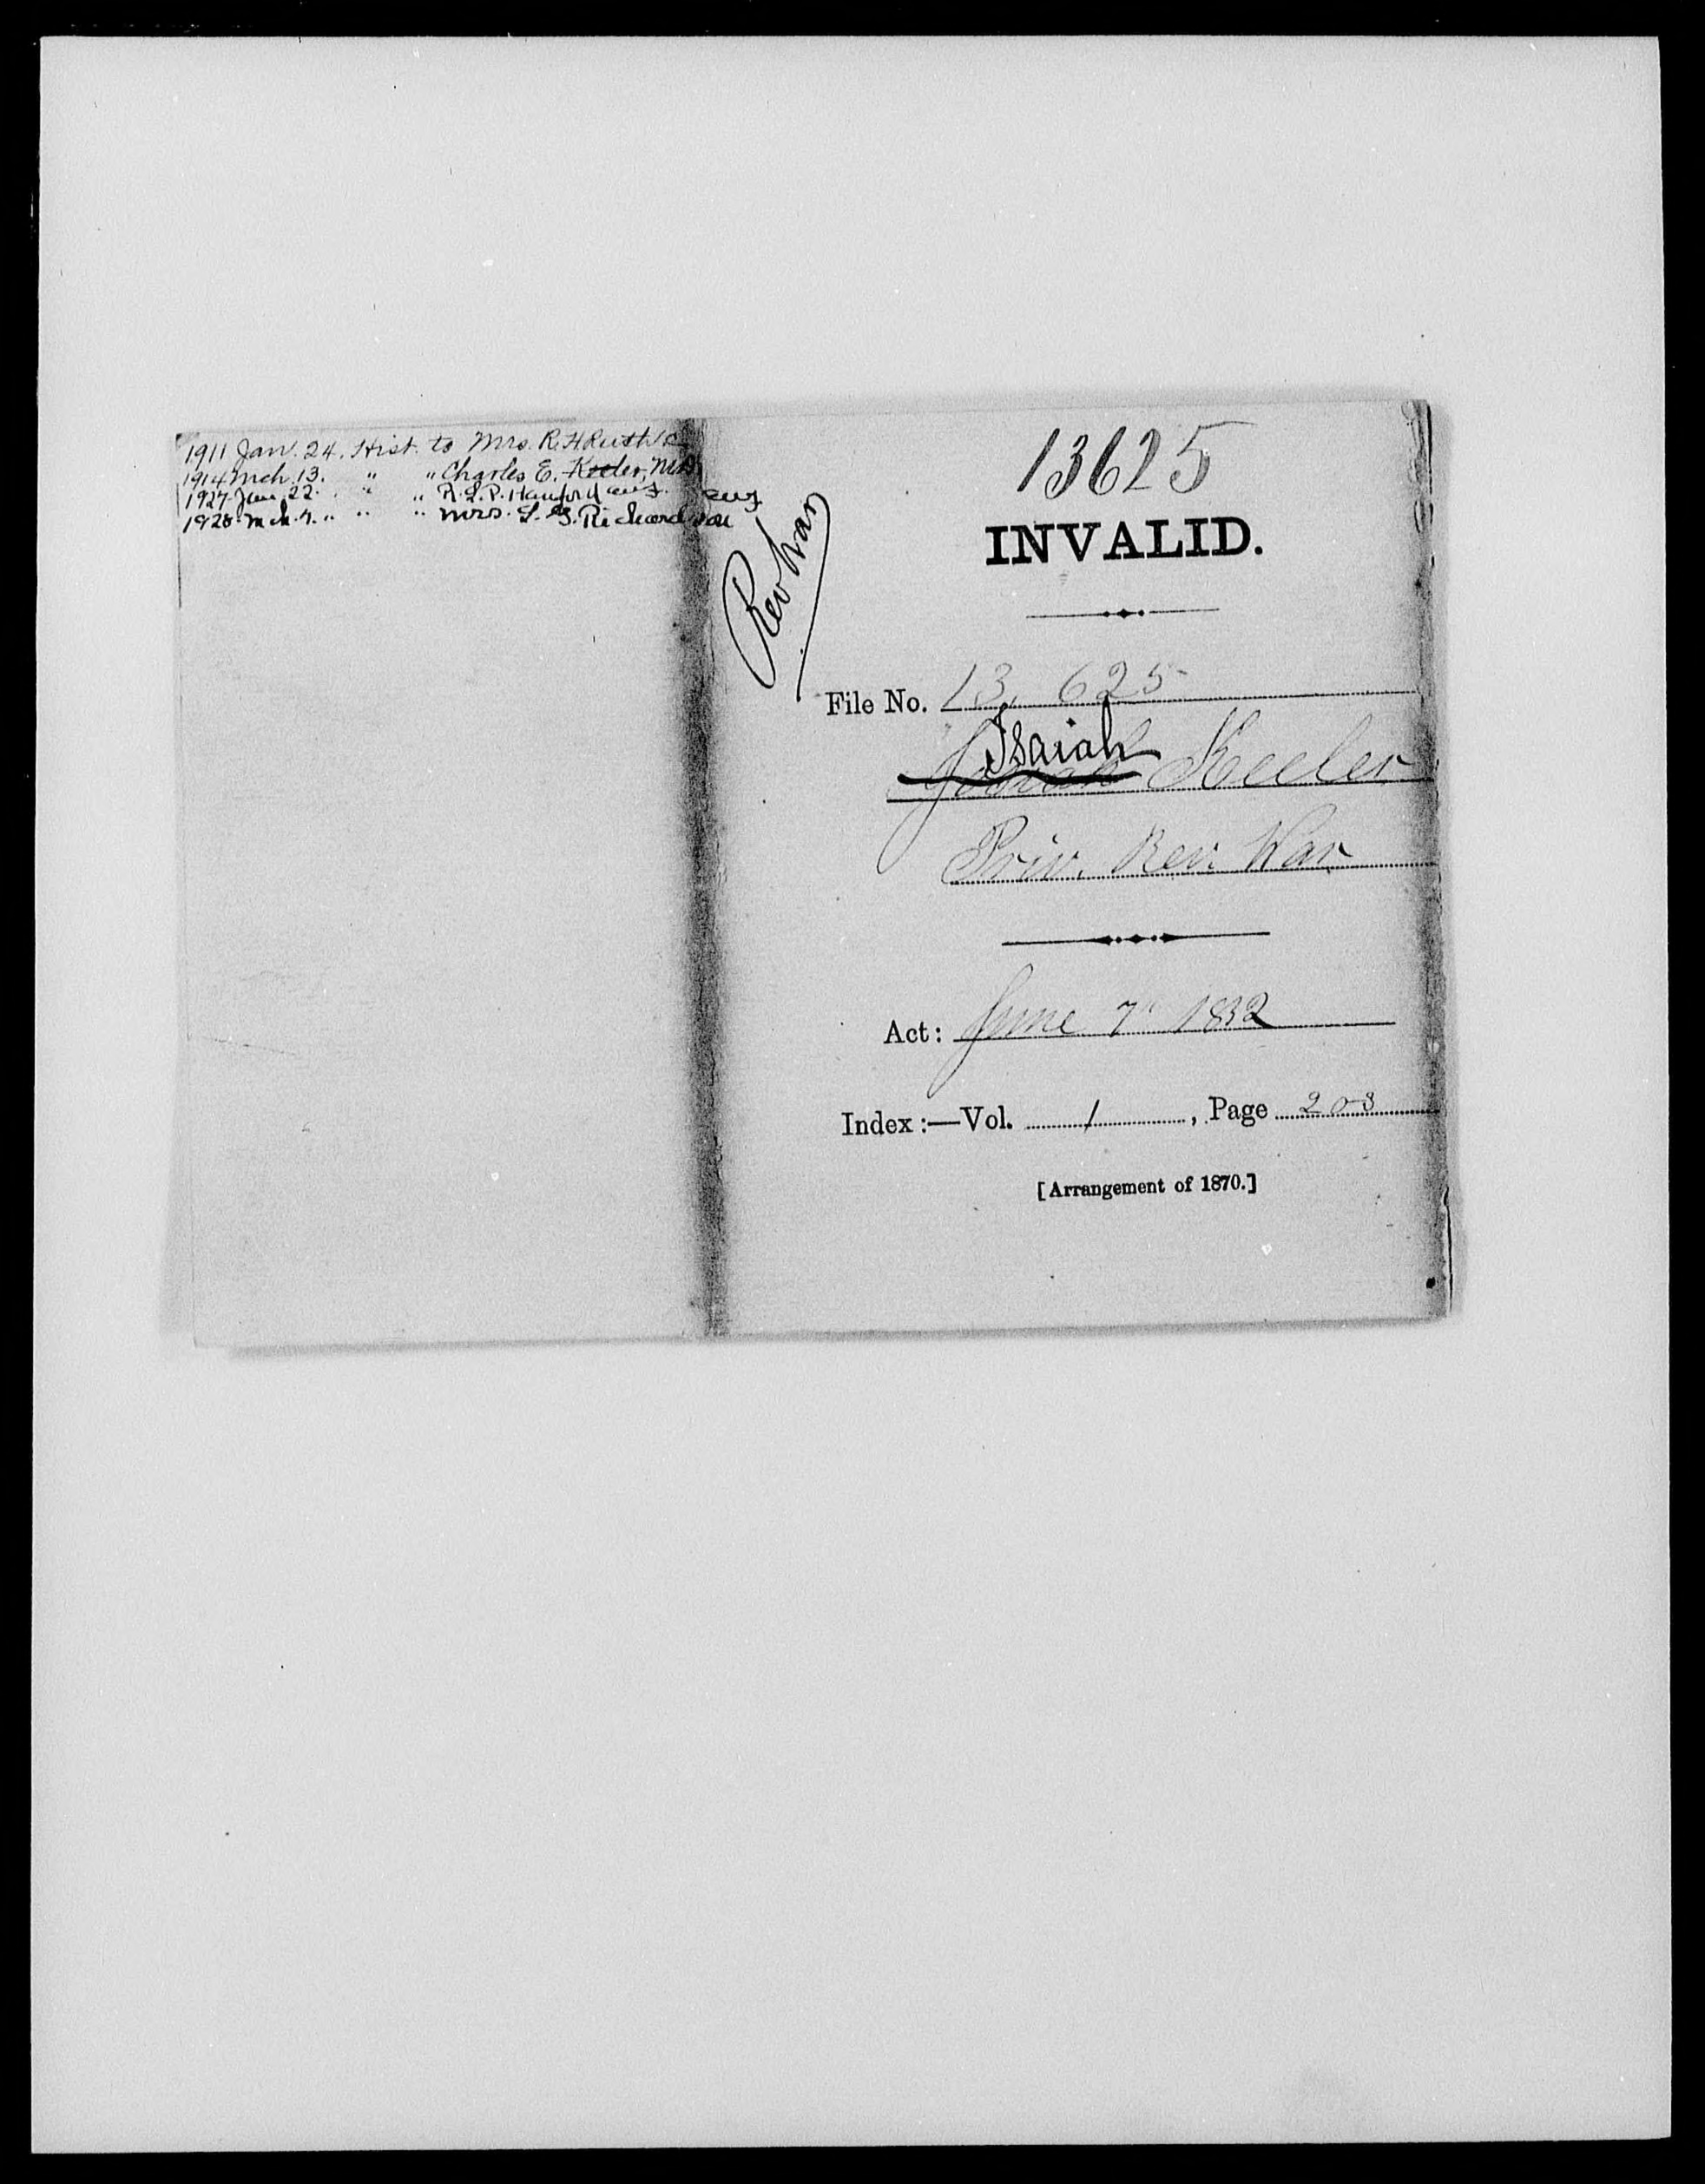1911 Jan. 24. Hist. to Mrs. R. H. Ruth c
1914 Mch 13.   "    "   Charles E. Keeler, MD
1927 Jun 22.     "    "   R.S.P. Hanford   atty
1928 Mch. 7.    "     "  Mrs. L. G. Richardson

13625
INVALID.
File No. 13,625
Isaiah Keeler
Priv. Rev. War 
---
Act: June 7 1832
Index: --Vol. 1, Page 200
{Arrangement of 1870.}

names: R L P Hanford; Isaiah Keeler; Charles E Keeler; R H Ruth; S G Richardson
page: 26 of 26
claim: survivor's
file: S. 13,625, for Isaiah Keeler, New York